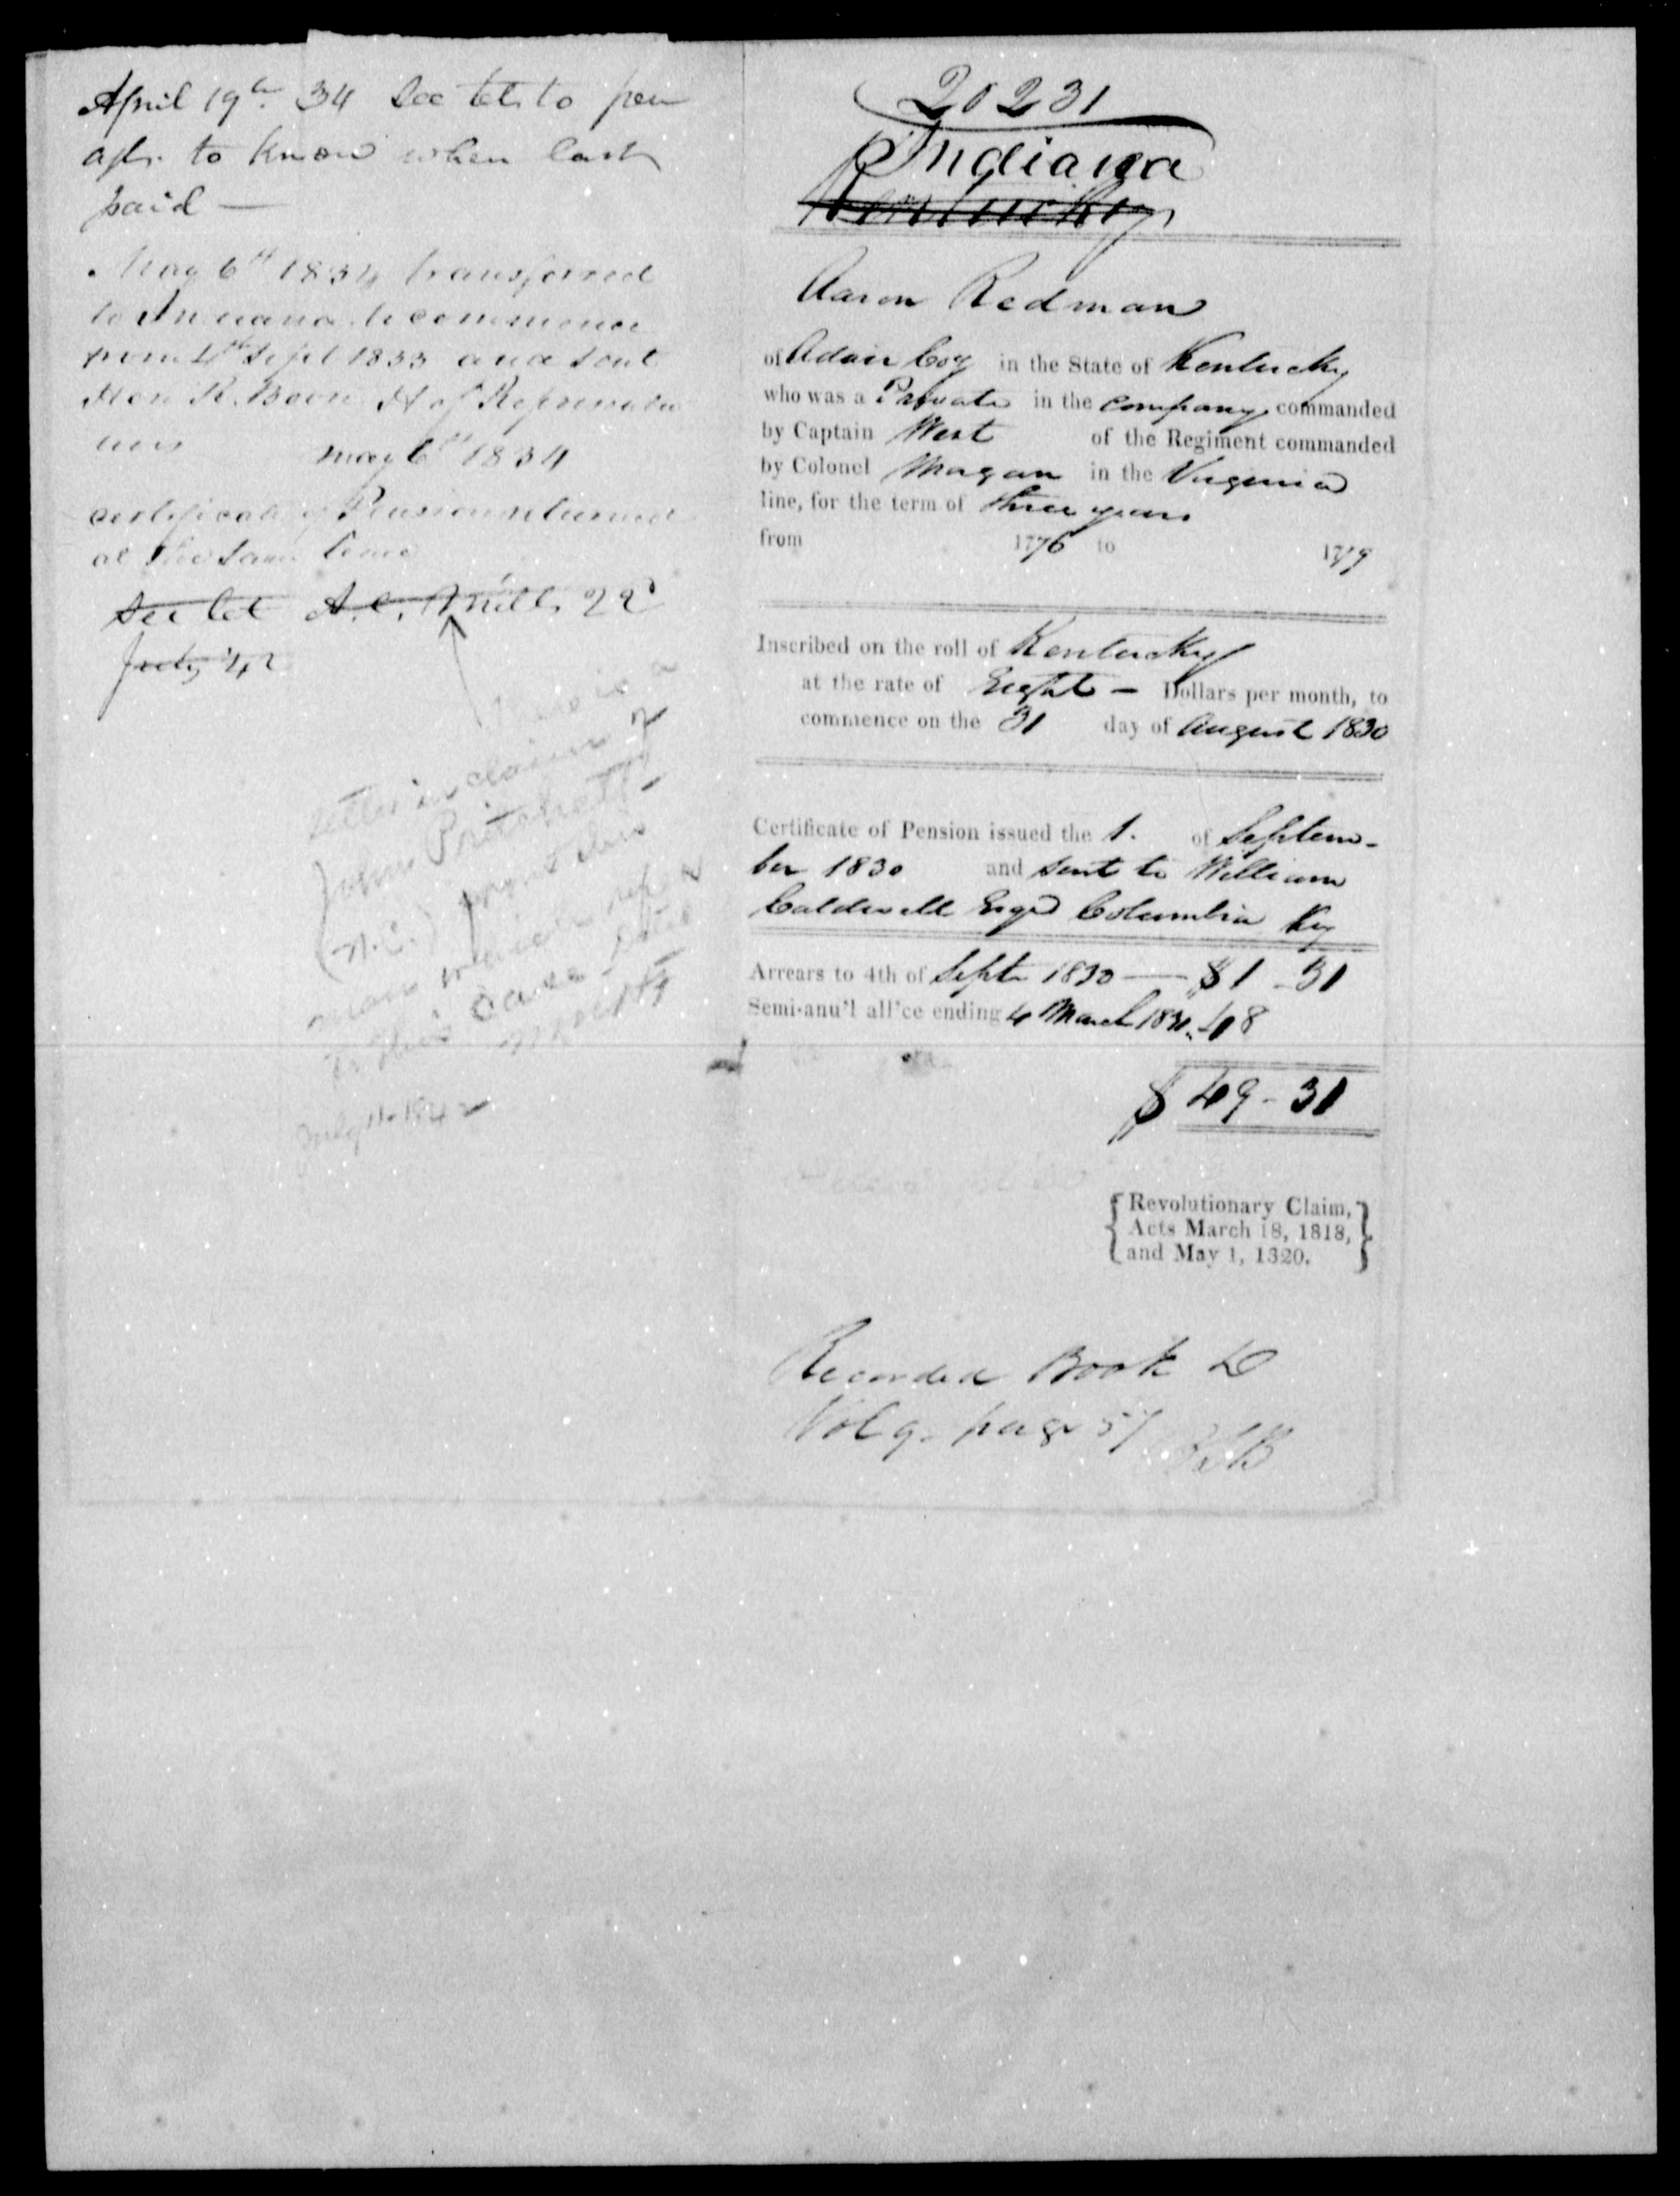April 19th 34 See letr to pen Agt. to know when last paid - 
May 6th 1834 transferred to Indiana to commence from 4th Sept 1833 and sent Hon. R. Boon H of Representatives
May 6th 1834
certificate of Pension returned at the same time
See let A.C. Mills 22d July '42 (This is a letter in claim of John Pritchett - (N.C.) & not this man which referred to this case Dated July 11-1842 MMHF

20231
Indiana
Aaron Redman 
of Adair Coy in the State of Kentucky
who was a Private in the Company commanded by Captain West of the Regiment commanded by Colonel Morgan in the Virginia line, for the term of three years
from 1776 to 1779
Inscribed on the roll of Kentucky
at the rate of Eight- Dollars per month, to commence on the 31 day of August 1830
Certificate of Pension issued the 1. of September 1830 and sent to William Caldwell Esqr Columbia Ky
Arrears to 4th of Sept 1830 - $1.31
Semi-anu'l all'ce ending 4 March 1831 48
$49.31
Revolutionary Claim,
Acts March 18, 1818,
and May 1, 1820.
Recorded Book D
Vol. 9 Page 57 BSB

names: Aaron Redman; [BLANK] West; [BLANK] Morgan; William Caldwell; R Boon; A C Mills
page: 2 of 57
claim: widow's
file: W. 9,622, for Aaron Redman, Virginia